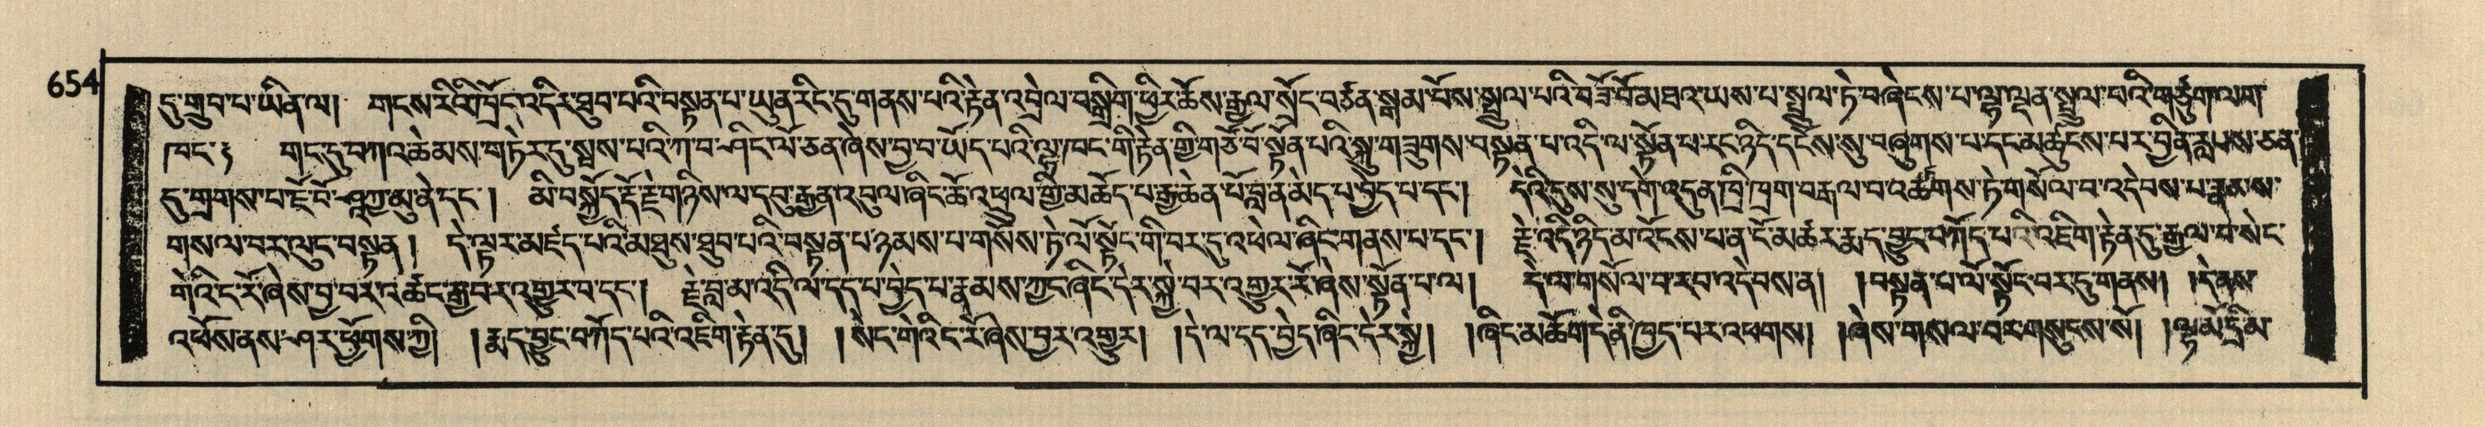དུ་གྲུབ་པ་ཡིན་ལ། གངས་རིའི་ཁྲོད་འདིར་ཐུབ་པའི་བསྟན་པ་ཡུན་རིང་དུ་གནས་པའི་རྟེན་འབྲེལ་བསྒྲིག་ཕྱིར་ཆོས་རྒྱལ་སྲོང་བཙན་སྒམ་པོས་སྤྲུལ་པའི་བཟོ་བོ་མཐའ་ཡས་པ་སྤྲུལ་ཏེ་བཞེངས་པ་ལྷ་ལྡན་སྤྲུལ་པའི་གཙུག་ལག་
ཁང༑ གང་དུ་བཀའ་ཆེམས་གཏེར་དུ་སྦས་པའི་ཀ་བ་ཤིང་ལོ་ཅན་ཞེས་བྱ་བ་ཡོད་པའི་ལྷ་ཁང་གི་རྟེན་གྱི་གཙོ་བོ་སྟོན་པའི་སྐུ་གཟུགས་བསྟན་པ་འདི་ལ་སྟོན་པ་རང་ཉིད་དངོས་སུ་བཞུགས་པ་དང་མཚུངས་པར་བྱིན་རླབས་ཅན་
དུ་གྲགས་པ་ཇོ་བོ་ཤཱཀྱ་མུ་ནེ་དང་། མི་བསྐྱོད་རྡོ་རྗེ་གཉིས་ལ་དབུ་རྒྱན་འབུལ་ཞིང་ཆོ་འཕྲུལ་གྱི་མཆོད་པ་རྒྱ་ཆེན་པོ་བླ་ན་མེད་པ་བྱེད་པ་དང་། དེའི་དུས་སུ་དགེ་འདུན་ཁྲི་ཁྲག་བརྒལ་བ་འཚགས་ཏེ་གསོལ་བ་འདེབས་པ་རྣམས་
གསལ་བར་ལུང་བསྟན། དེ་ལྟར་མཛད་པའི་མཐུས་ཐུབ་པའི་བསྟན་པ་ཉམས་པ་གསོས་ཏེ་ལོ་སྟོང་གི་བར་དུ་འཕེལ་ཞིང་གནས་པ་དང་། རྗེ་འདི་ཉིད་མ་འོངས་པ་ན་ངོ་མཚར་རྨད་བྱུང་བཀོད་པའི་འཇིག་རྟེན་དུ་རྒྱལ་བ་སེང་
གེའི་ང་རོ་ཞེས་བྱ་བར་འཚང་རྒྱ་བར་འགྱུར་བ་དང་། རྗེ་བླ་མ་འདི་ལ་དད་པ་བྱེད་པ་རྣམས་ཀྱང་ཞིང་དེར་སྐྱེ་བར་འགྱུར་རོ་ཞེས་སྟོན་པ་ལ། དེ་ལ་གསོལ་བ་རབ་འདེབས་ན། །བསྟན་པ་ལོ་སྟོང་བར་དུ་གནས། །དེ་ནས་
འཕོས་ནས་ཤར་ཕྱོགས་ཀྱི། །རྨད་བྱུང་བཀོད་པའི་འཇིག་རྟེན་དུ། །སེང་གེའི་ང་རོ་ཞེས་བྱར་འགྱུར། །དེ་ལ་དད་བྱེད་ཞིང་དེར་སྐྱེ། །ཞིང་མཆོག་དེ་ནི་ཁྱད་པར་འཕགས། །ཞེས་གསལ་བར་གསུངས་སོ། །ལྷ་མོ་དྲི་མ་